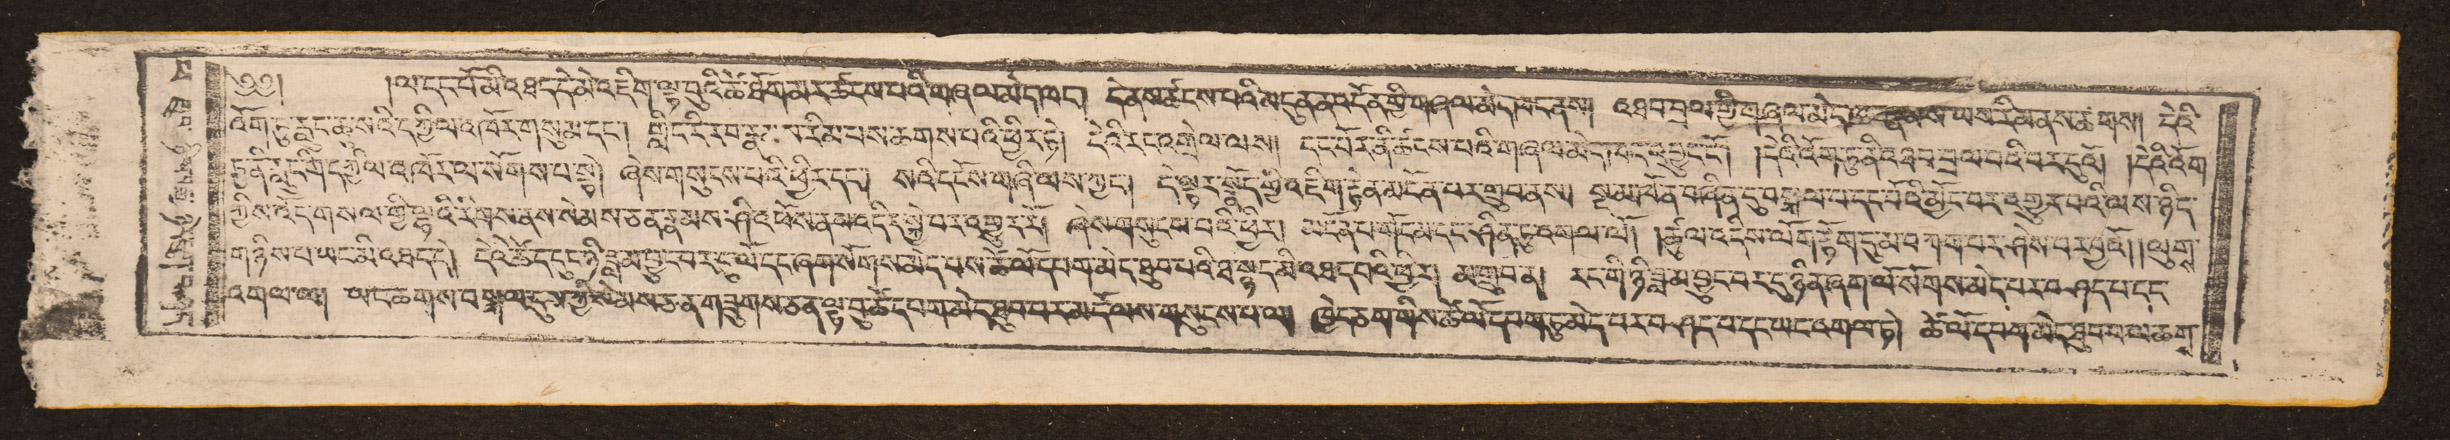༄༅། །ལ་དང་པོ་མི་འཐད་དེ་མེ་འཇིག་ལྟ་བུའི་ཚེ་ཐོག་མར་ཚངས་པའི་གཞལ་མེད་ཁང་། དེ་ནས་ཚངས་པའི་མདུན་ན་འདོན་གྱི་གཞལ་མེད་ཁང་ནས། འཐབ་བྲལ་གྱི་གཞལ་མེད་ཁང་རྣམས་ཡས་རིམ་ནས་ཆགས། དེའི་
འོག་ཏུ་རླུང་ཆུ་སའི་དཀྱིལ་འཁོར་གསུམ་དང་། གླིང་རི་རབ་རྣམས་རིམ་པས་ཆགས་པའི་ཕྱིར་ཏེ། དེའི་རང་འགྲེལ་ལས། དང་པོར་ནི་ཚངས་པའི་གཞལ་མེད་ཁང་འབྱུང་ངོ། །དེའི་འོག་ཏུ་ནི་འཐབ་བྲལ་བའི་བར་དུའོ། །དེའི་འོག་
ཏུ་ནི་རླུང་གི་དཀྱིལ་འཁོར་ལ་སོགས་པ་སྟེ། ཞེས་གསུངས་པའི་ཕྱིར་དང་། སའི་དངོས་གཞི་ལས་ཀྱང་། དེ་ལྟར་སྣོད་གྱི་འཇིག་རྟེན་མངོན་པར་གྲུབ་ནས། སྔ་མ་ཁོ་ན་བཞིན་དུ་བསྐལ་པ་དང་པོའི་མྱོང་བར་འགྱུར་བའི་ལས་ཉིད་
ཀྱིས་འོད་གསལ་གྱི་ལྷའི་རིགས་ནས་སེམས་ཅན་རྣམས་ཤི་འཕོས་ནས་འདིར་སྐྱེ་བར་འགྱུར་རོ། ཞེས་གསུངས་པའི་ཕྱིར། མངོན་པ་གོང་མ་དང་ཤིན་ཏུ་འགལ་ལོ། །ཚུལ་འདིས་ལོག་རྟོག་དུ་མ་བཀག་པར་ཤེས་པར་བྱའོ། །ལུགས་
གཉིས་པ་ཡང་མི་འཐད་དེ། དེའི་ཚེད་དུང་ཉི་ཟླ་མ་བྱུང་བར་དུ་ལོ་དང་ཞག་སོགས་མེད་པས་ཚེ་ལོ་དཔག་མེད་ཐུབ་པའི་ཐ་སྙད་མི་འཐད་པའི་ཕྱིར། མ་གྲུབ་ན། རང་གི་ཉི་ཟླ་མ་བྱུང་བར་དུ་ཉིན་ཞག་ལོ་སོགས་མེད་པར་བཤད་བ་དང་
འགལ་ལ། ཡང་ཆགས་བསྐལ་དུས་ཀྱི་སེམས་ཅན་གཟུགས་ཅན་ལྟ་བུ་ཚེ་དཔག་མེད་ཐུབ་བར་མདོ་ལས་གསུངས་བ་ལ། ཁྱེད་ཅག་གིས་ཚེ་ལོ་དཔག་ཏུ་མེད་པར་བཤད་པ་དང་ཡང་འགལ་ཏེ། ཚེ་ལོ་དཔག་མེད་ཐུབ་བ་ལ་ཆགས་